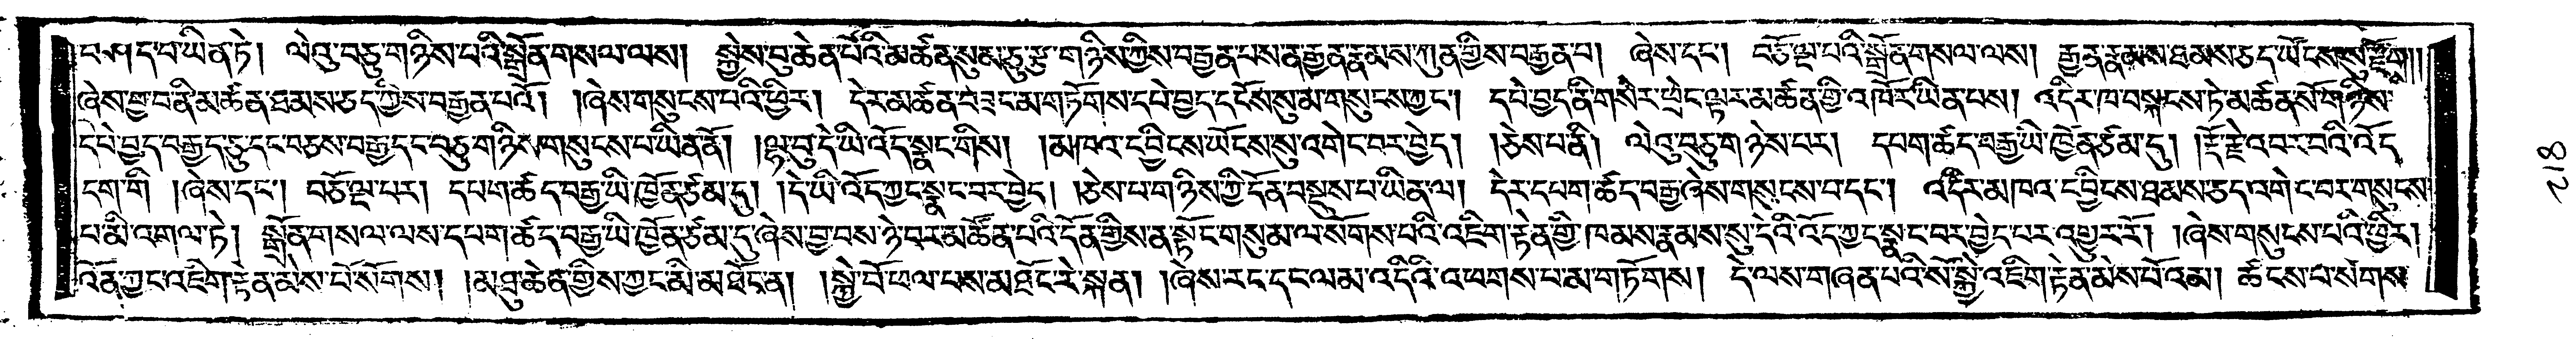བཤད་པ་ཡིན་ཏེ། ལེའུ་བཅུ་གཉིས་པའི་སྒྲོན་གསལ་ལས། སྐྱེས་བུ་ཆེན་པོའི་མཚན་སུམ་ཅུ་རྩ་གཉིས་ཀྱིས་བརྒྱན་པས་ན་རྒྱན་རྣམས་ཀུན་གྱིས་བརྒྱན་པ། ཞེས་དང་། བཅོ་ལྔ་པའི་སྒྲོན་གསལ་ལས། རྒྱན་རྣམས་ཐམས་ཅད་ཡོངས་སུ་རྫོགས།།
ཞེས་བྱ་བ་ནི་མཚན་ཐམས་ཅད་ཀྱིས་བརྒྱན་པའོ། །ཞེས་གསུངས་པའི་ཕྱིར། དེར་མཚན་བཟང་མ་གཏོགས་དཔེ་བྱད་དངོས་སུ་མ་གསུངས་ཀྱང་། དཔེ་བྱད་ནི་གསེར་ཕྲེང་ལྟར་མཚན་གྱི་འཁོར་ཡིན་པས། འདིར་ཁ་བསྐངས་ཏེ་མཚན་སོ་གཉིས་
དང་བྱད་བརྒྱད་ཅུ་དང་བཅས་བརྒྱ་དང་བཅུ་གཉིས་གསུངས་པ་ཡིན་ནོ། །ལྷ་བུ་དེ་ཡི་འོད་སྣང་གིས། །མཁའ་དབྱིངས་ཡོངས་སུ་འགེང་བར་བྱེད། །ཅེས་པ་ནི། ལེའུ་བཅུ་གཉིས་པར། དཔག་ཚད་བརྒྱ་ཡི་ཁྱོན་ཙམ་དུ། །རྡོ་རྗེ་འབར་བའི་འོད་
དག་གི །ཞེས་དང་། བཅོ་ལྔ་པར། དཔག་ཚད་བརྒྱ་ཡི་ཁྱོན་ཙམ་དུ། །དེ་ཡི་འོད་ཀྱང་སྣང་བར་བྱེད། །ཅེས་པ་གཉིས་ཀྱི་དོན་བསྡུས་པ་ཡིན་ལ། དེར་དཔག་ཚང་བརྒྱ་ཞེས་གསུངས་པ་དང་། འདིར་མཁའ་དབྱིངས་ཐམས་ཅད་འགེང་བར་གསུངས་
པ་མི་འགལ་ཏེ། སྒྲོན་གསལ་ལས་དཔག་ཚད་བརྒྱ་ཡི་ཁྱོན་ཙམ་དུ་ཞེས་བྱ་བས་ཉེ་བར་མཚོན་པའི་དོན་གྱིས་ན་སྟོང་གསུམ་ལ་སོགས་པའི་འཇིག་རྟེན་གྱི་ཁམས་རྣམས་སུ་དེའི་འོད་ཀྱང་སྣང་བར་བྱེད་པར་འགྱུར་རོ། །ཞེས་གསུངས་པའི་ཕྱིར།
འོན་ཀྱང་འཇིག་རྟེན་མེས་པོ་སོགས། །མཐུ་ཆེན་གྱིས་ཀྱང་མི་མཐོང་ན། །སྐྱེ་བོ་ཕལ་པས་མཐོང་རེ་སྐན། །ཞེས་རང་དང་ལམ་འདིའི་འཕགས་པ་མ་གཏོགས། དེ་ལས་གཞན་པའི་སོ་སྐྱེ་འཇིག་རྟེན་མེས་པོའམ། ཚངས་པ་སོགས་